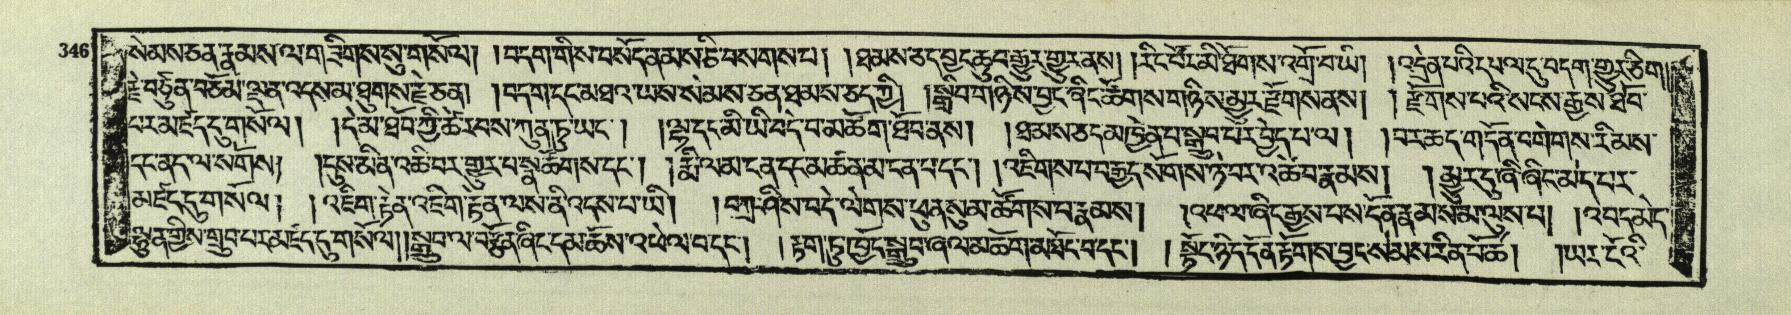སེམས་ཅན་རྣམས་ལ་གཟིགས་སུ་གསོལ། །བདག་གིས་བསོད་ནམས་ཅི་བསགས་པ། །ཐམས་ཅད་བྱང་ཆུབ་རྒྱུར་གྱུར་ནས། །རིང་པོར་མི་ཐོགས་འགྲོ་བ་ཡི། །འདྲེན་པའི་དཔལ་དུ་བདག་གྱུར་ཅིག།
རྗེ་བཙུན་བཅོམ་ལྡན་འདས་མ་ཐུགས་རྗེ་ཅན། །བདག་དང་མཐའ་ཡས་སེམས་ཅན་ཐམས་ཅད་ཀྱི། །སྒྲིབ་གཉིས་བྱང་ཞིང་ཚོགས་གཉིས་མྱུར་རྫོགས་ནས། །རྫོགས་པའི་སངས་རྒྱས་ཐོབ་
པར་མཛད་དུ་གསོལ། །དེ་མ་ཐོབ་ཀྱི་ཚེ་རབས་ཀུན་ཏུ་ཡང་། །ལྷ་དང་མི་ཡི་བདེ་བ་མཆོ་ག་ཐོབ་ནས། །ཐམས་ཅད་མཁྱེན་པ་སྒྲུབ་པར་བྱེད་པ་ལ། །བར་ཆད་གདོན་བགེགས་རིམས་
དང་ནད་ལ་སོགས། །དུས་མིན་འཆི་བར་གྱུར་པ་སྣ་ཚོགས་དང་། །རྨི་ལམ་ངན་དང་མཚན་མ་ངན་པ་དང་། །འཇིགས་པ་བརྒྱད་སོགས་ཉེ་བར་འཚེ་བ་རྣམས། །མྱུར་དུ་ཞི་ཞིང་མེད་པར་
མཛད་དུ་གསོལ། །འཇིག་རྟེན་འཇིག་རྟེན་ལས་ནི་འདས་པ་ཡི། །བཀྲ་ཤིས་བདེ་ལེགས་ཕུན་སུམ་ཚོགས་པ་རྣམས། །འཕལ་ཞིང་རྒྱས་པས་དོན་རྣམས་མ་ལུས་པ། །འབད་མེད་
ལྷུན་གྱིས་གྲུབ་པར་མཛད་དུ་གསོལ། །སྒྲུབ་ལ་བརྩོན་ཞིང་དམ་ཆོས་འཕེལ་བ་དང་། །རྟག་ཏུ་ཁྱོད་སྒྲུབ་ཞལ་མཆོག་མཐོང་བ་དང་། །སྟོང་ཉིད་དོན་རྟོགས་བྱང་སེམས་རིན་པོ་ཆེ། །ཡར་ངོའི་